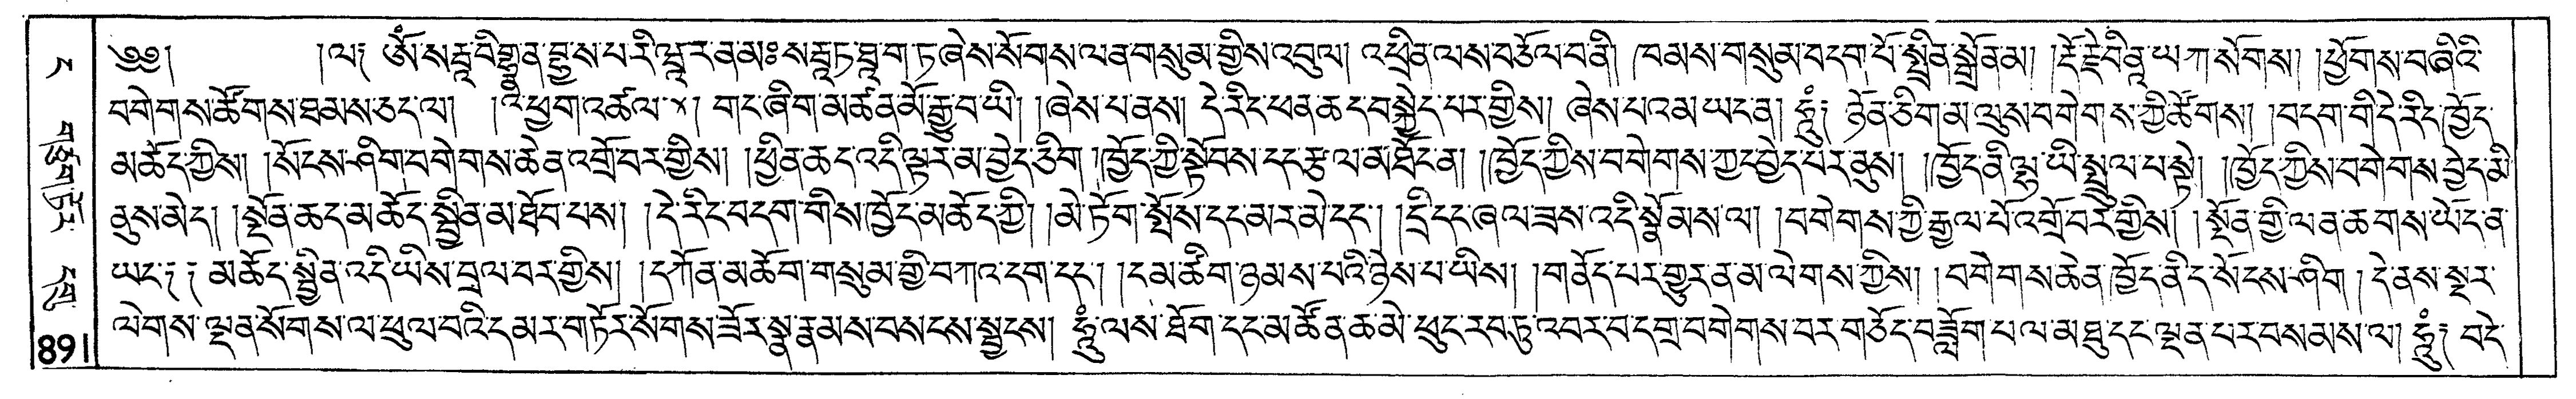༄༅། །ལ༑ ཨོཾ་སརྦཱ་བིགྷྣ་ན་བྷྱ་ས་པ་རི་ཝཱ་ར་ན་མཿ སརྦཱ་ཏ་ཐཱ་ག་ཏ་ཞེས་སོགས་ལན་གསུམ་གྱིས་འབུལ། འཕྲིན་ལས་བཅོལ་བ་ནི། ཁམས་གསུམ་བདག་པོ་སྤྲིན་སྒྲོན་མ། །རྡོ་རྗེ་བི་ནཱ་ཡ་ཀ་སོགས། །ཕྱོགས་བཞིའི་
བགེགས་ཚོགས་ཐམས་ཅད་ལ། །ཕྱག་འཚལ་྾། གང་ཞིག་མཚན་མོ་རྒྱུ་བ་ཡི། །ཞེས་པ་ནས། དེ་རིང་ཕན་ཆད་བསྐྱེད་པར་གྱིས། ཞེས་པའམ་ཡང་ན། ཧཱུཾ༑ ཉོན་ཅིག་མ་ལུས་བགེགས་ཀྱི་ཚོགས། །བདག་གི་དེ་རིང་ཁྱོད་
མཆོད་ཀྱིས། །སོངས་ཤིག་བགེགས་ཆེན་འགྲོ་བར་གྱིས། །ཕྱིན་ཆད་འདི་ལྟར་མ་བྱེད་ཅིག །ཁྱོད་ཀྱི་སྟོབས་དང་རྩལ་མཐོང་ན། །ཁྱོད་ཀྱིས་བགེགས་ཀྱང་བྱེད་པར་ནུས། །ཁྱོད་ནི་ལྷ་ཡི་སྤྲུལ་པ་སྟེ། །ཁྱོད་ཀྱིས་བགེགས་བྱེད་མི་
ནུས་མེད། །སྔོན་ཆད་མཆོད་སྦྱིན་མ་ཐོབ་པས། །དེ་རིང་བདག་གིས་ཁྱོད་མཆོད་ཀྱི། །མེ་ཏོག་སྤོས་དང་མར་མེ་དང་། །དྲི་དང་ཞལ་ཟས་འདི་སྣོམས་ལ། །བགེགས་ཀྱི་རྒྱལ་པོ་འགྲོ་བར་གྱིས། །སྔོན་གྱི་ལན་ཆགས་ཡོད་ན་
ཡང༑ ༑མཆོད་སྦྱིན་འདི་ཡིས་བྲལ་བར་གྱིས། །དཀོན་མཆོག་གསུམ་གྱི་བཀའ་དག་དང་། །དམ་ཚིག་ཉམས་པའི་ཉེས་པ་ཡིས། །གནོད་པར་གྱུར་ན་མ་ལེགས་ཀྱིས། །བགེགས་ཆེན་ཁྱོད་ནི་ད་སོངས་ཤིག །དེ་ནས་སྔར་
ལེགས་ལྡན་སོགས་ལ་ཕུལ་བའི་དམར་གཏོར་སོགས་ཟོར་སྣ་རྣམས་བསངས་སྦྱངས། ཧཱུཾ་ལས་ཐོག་དང་མཚོན་ཆ་མེ་ཕུང་རབ་ཏུ་འབར་བ་དགྲ་བགེགས་བར་གཅོད་བཟློག་པ་ལ་མཐུ་དང་ལྡན་པར་བསམས་ལ། ཧཱུཾ། བདེ་